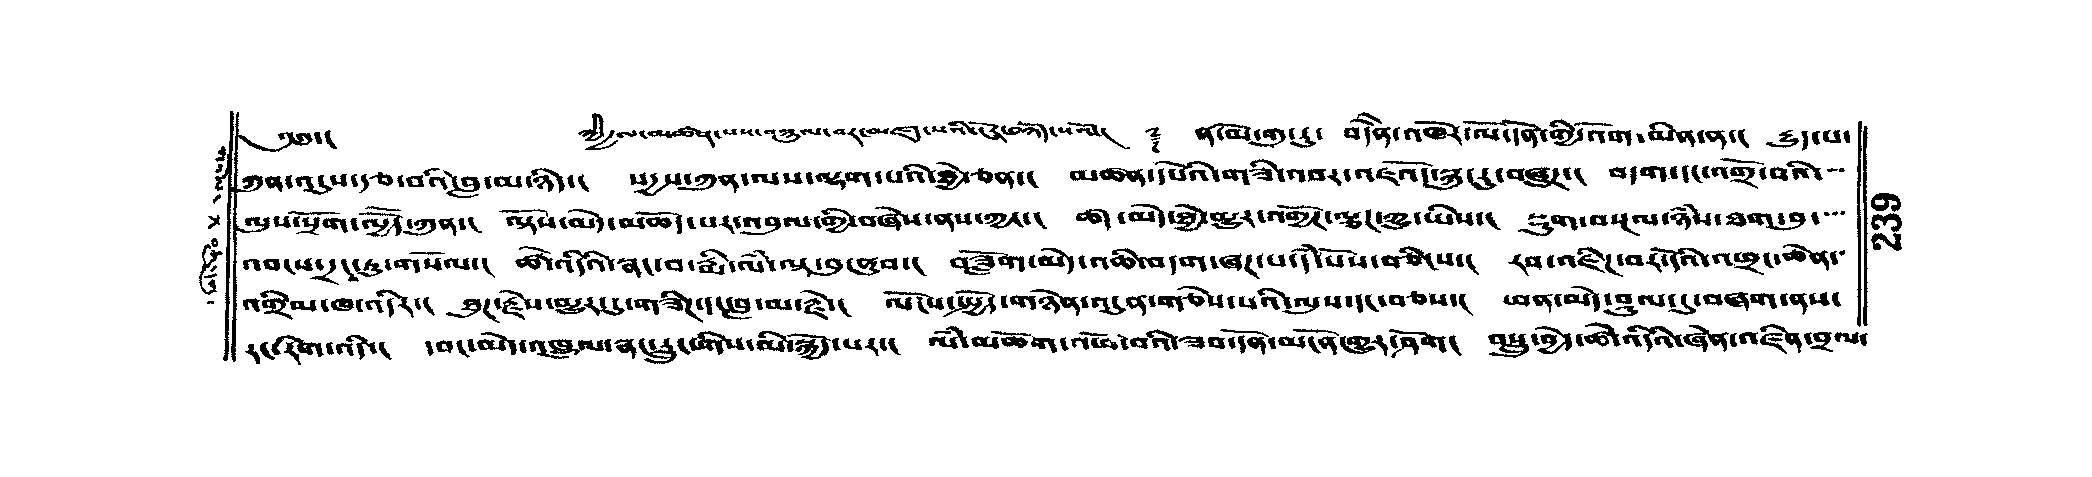ཀྱི་རྒྱལ་མཚན་པས་བསྐུལ་བར་མཛད་པའི་ངོར་བཀོད་པའོ།། ༈ ན་མོ་གུ་རུ། བདེ་ཆེན་འཁོར་ལོ་དོན་གྱི་འོག་མིན་ན། །རྒྱུད་པ་
ཀུན་འདུས་རྩ་བའི་བླ་མ་ཉིད། །སངས་རྒྱས་ཀུན་ལས་ལྷག་པའི་ཐུགས་རྗེ་ཅན། །མཚན་དཔེའི་གཟི་འབར་འཇའ་འོད་སྐུ་རུ་བཞུགས། །བདག་དང་འགྲོ་བའི་
ལུས་སྲོག་ལོངས་སྤྱོད་ཀུན། །ལྟོས་མེད་མཆོད་པར་འབུལ་གྱི་བཞེས་ནས་ཀྱང་། །ཚད་མེད་ཐུགས་རྗེ་མྱུར་མགྱོགས་ལྕགས་ཀྱུ་ཡིས། །སྡུག་བསྔལ་ཉམ་ཐག་བུ་
འབངས་དྲངས་སུ་གསོལ། །ཚེ་འདིའི་སྣང་བ་རྨི་ལམ་ལྟ་བུ་ནུབ། །བཟློག་མེད་འཆི་བདག་ཞགས་པ་དམ་པོས་བཅིངས། །རབ་འཇིགས་བར་དོའི་འཕྲང་ཆེན་
འགྲིམ་ཁ་འདིར། །ཐུགས་རྗེས་མྱུར་དུ་གཟིགས་དང་བླ་མ་རྗེ། །ལོངས་སྤྱོད་གཉེན་འདུན་གཅེས་པའི་ལུས་དང་བཅས། །ཕན་མེད་ཤུལ་དུ་བཞག་ནས་
རང་རིག་འདི། །དབང་མེད་འཁྲུལ་སྣང་རླུང་གིས་མི་སྐྱོད་པར། །ལམ་མཆོག་འཕོ་བའི་ཟབ་དོན་མངོན་གྱུར་ཤོག །བསླུ་བྱེད་ཚེ་འདིའི་ཞེན་འཛིན་བྲལ་